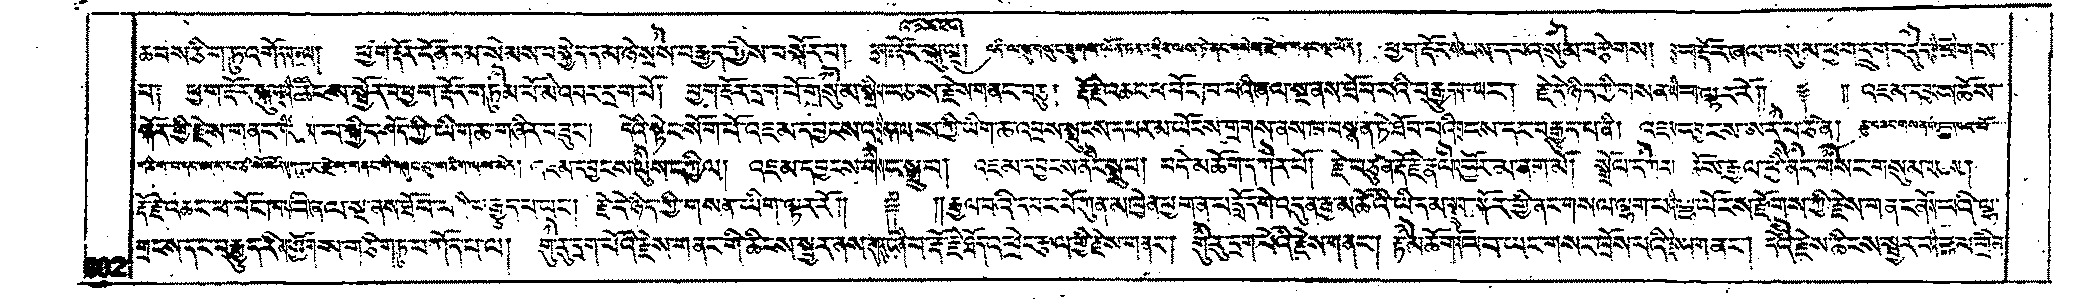ཆབས་ཅིག་ཏུ་འགོད་པ་ལ། ཕྱག་རྡོར་དོན་དམ་སྡེམས་བསྐྱེད་དམ་ཉེ་སྲས་བརྒྱད་ཀྱིས་བསྐོར་བ། ཕྱག་རྡོར་སྐུ་ལྔ་འདི་ལ་སྐུ་གསུང་ཐུགས་ཡོན་ཏན་འཕྲིན་ལས་ཏེ་ནང་གསེལ་རྗེས་གནང་ལྔ་ཡོད།  ཕྱག་རྡོར་སེམས་དཔའ་སུམ་བརྩེགས། ཕྱག་རྡོར་ཞལ་གསུམ་ཕྱག་དྲུག་བདུད་རྩི་ཐིགས་
པ༑ ཕྱག་རྡོར་སྐུ་ལྔའི་ཆིངས་སྦྱོར་བ་ཕྱག་རྡོར་གཏུམ་པོ་མེ་འབར་དྲག་པོ། ཕྱག་རྡོར་དྲག་པོ་གསུམ་སྒྲིལ་བཅས་རྗེས་གནང་བཅུ། རྡོ་རྗེ་འཆང་ཕ་བོང་ཁ་པའི་ཞལ་སྔ་ནས་ཐོབ་པའི་བརྒྱུད་པ་ཡང་། རྗེ་དེ་ཉིད་ཀྱི་གསན་ཡིག་ལྟར་རོ།། འ་།།འཇམ་དབྱངས་ཆོས་
སྐོར་གྱི་རྗེས་གནང་གི་རིམ་པ་སྐྱིད་ཤོད་ཀྱི་ཡིག་ཆ་གཞིར་བཟུང་། དེའི་སྟེང་སོག་པོ་འཇམ་དབྱངས་འཕྲིན་ལས་ཀྱི་ཡིག་ཆ་འབྲས་སྤུངས་དཔར་མ་ཡོངས་གྲགས་ནས་ཁ་བསྣན་ཏེ་ཐོབ་པའི་གྲངས་དང་བརྒྱུད་པ་ནི། འཇམ་དབྱངས་ཨ་ར་པ་ཙ་ན་ཆུ་བཟང་གསན་ཡིག་ཏུ་དཔའ་བོ་
གཅིག་པ་དང་ཨ་ར་པ་ཙ་སོ་སོར་འདུག་ཀྱང་རྗེས་གནང་གི་གཞུང་དུ་གཅིག་ལས་མེད། འཇམ་དབྱངས་ལུས་དཀྱིལ། འཇམ་དབྱངས་གསང་སྒྲུབ། འཇམ་དབྱངས་ནང་སྒྲུབ། བདེ་མཆོག་དཀར་པོ། རྗེ་བཙུན་རྡོ་རྗེ་རྣལ་འབྱོར་མ་ནག་མོ། སྒྲོལ་དཀར། ཆོས་རྒྱལ་ཕྱི་ནང་གསང་གསུམ་བཅས།
རྡོ་རྗེ་འཆང་ཕ་བོང་ཁ་པའི་ཞལ་སྔ་ནས་ཐོབ་པའི་བརྒྱུད་པ་ཡང་། རྗེ་དེ་ཉིད་ཀྱི་གསན་ཡིག་ལྟར་རོ།། འ་།།རྒྱལ་བའི་དབང་པོ་ཀུན་མཁྱེན་ཕྱག་ན་པདམོ་དགེ་འདུན་རྒྱ་མཚོའི་ཡི་དམ་སྒྲུབ་བསྐོར་གྱི་ནང་གསལ་ལྷག་པའི་ལྷ་ཡོངས་རྫོགས་ཀྱི་རྗེས་གནང་ནོས་པའི་ལྷ་
གྲངས་དང་བརྒྱུད་རིམ་ཕྱོགས་གཅིག་ཏུ་བཀོད་པ་ལ། གུ་རུ་དྲག་པོའི་རྗེས་གནང་གི་ཆིངས་སྦྱར་ནས་གུ་རུ་ཞི་བ་རྡོ་རྗེ་ཐོད་འཕྲེང་རྩལ་གྱི་རྗེས་གནང་། གུ་རུ་དྲག་པོའི་རྗེས་གནང་། རྟ་མཆོག་རོལ་བ་ཡང་གསང་ཁྲོས་པའི་རྗེས་གནང་། དེའི་རྗེས་ཆིང་སྦྱར་བའི་རྟ་མགྲིན་